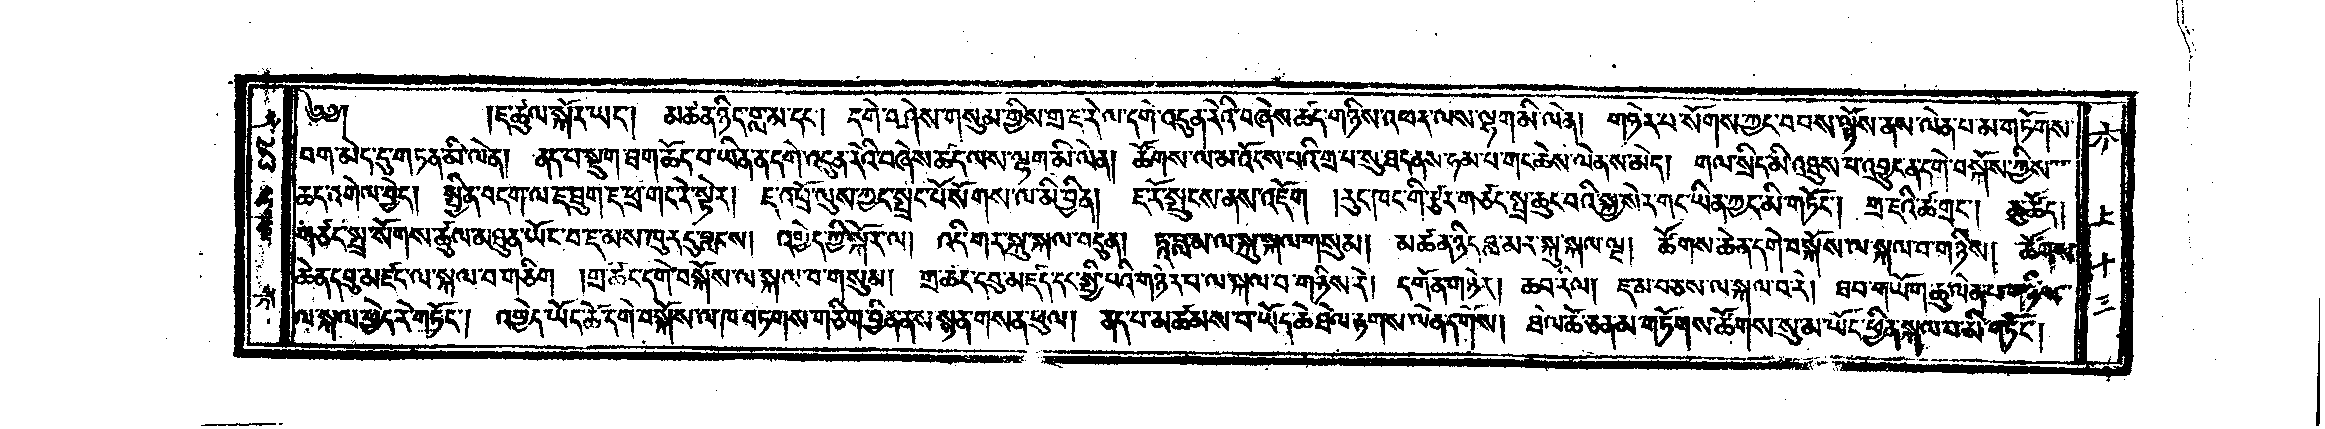༄༅། །ཇ་ཚུལ་སྐོར་ཡང་། མཚན་ཉིད་བླ་མ་དང་། དགེ་བཤེས་གསུམ་གྱིས་གྲ་ཇ་རེ་ལ་དགེ་འདུན་རེའི་བཞེས་ཚད་གཉིས་འཕར་ལས་ལྷག་མི་ལེན། གཉེར་པ་སོགས་ཀྱང་བབས་ལྟོས་ནས་ལེན་པ་མ་གཏགས་
བག་མེད་དུ་གཏན་མི་ལེན། ནད་པ་སྡུག་ཐག་ཆོད་པ་ཡིན་ན་དགེ་འདུན་རེའི་བཞེས་ཚད་ལས་ལྷག་མི་ལེན། ཚོགས་ལ་མ་འོངས་པའི་གྲ་པ་སུ་ཐད་ནས་ཧམ་པ་གང་ཆེས་ལེན་ས་མེད། གལ་སྲིད་མི་འཐུས་པ་འབྱུང་ན་དགེ་བསྐོས་ཀྱིས་
ཆད་འགེལ་བྱེད། སྦྱིན་བདག་ལ་ཇ་ཐུག་ཇ་ཕྲ་གང་རེ་སྟེར། ཇ་འཕྲོ་ལུས་ཀྱང་སྤྲང་པོ་སོགས་ལ་མི་བྱིན། ཇ་རོ་སྤུངས་ནས་འཇོག །རུང་ཁང་གི་རྩར་གཙང་སྤྲ་ཆུང་བའི་སྐྱ་སེར་གང་ཡིན་ཀྱང་མི་གཏོང་། གྲ་ཇའི་ཚ་གྲང་། ཆུ་ཚོད།
གཙང་སྤྲ་སོགས་ཚུལ་མཐུན་ཡོང་བ་ཇ་མས་ཁུར་དུ་བླངས། འགྱེད་ཀྱི་སྐོར་ལ། འདི་གར་སྐུ་སྐལ་བདུན། ཏཱ་བླ་མ་ལ་སྐུ་སྐལ་གསུམ། མཚན་ཉིད་བླ་མར་སྐུ་སྐལ་ལྔ། ཚོགས་ཆེན་དགེ་བསྐོས་ལ་སྐལ་བ་གཉིས། ཚོགས་
ཆེན་དབུ་མཛད་ལ་སྐལ་བ་གཅིག །གྲ་ཚང་དགེ་བསྐོས་ལ་སྐལ་བ་གསུམ། གྲ་ཚང?་དབུ་མཛད་དང་སྤྱི་བའི་གཉེར་པ་ལ་སྐལ་བ་གཉིས་རེ། དགོན་གཉེར། ཆབ་རིལ། ཇ་མ་བཅས་ལ་སྐལ་བ་རེ། ཐབ་གཡོག་ཆུ་ལེན་པ་གཉིས་
ལ་སྐལ་ཕྱེད་རེ་གཏོང་། འགྱེད་ཡོད་ཚེ་དགེ་བསྐོས་ལ་ཁ་བཏགས་གཅིག་བྱིན་ནས་སྙན་གསན་ཕུལ། ནད་པ་མཚམས་པ་ཡོད་ཆེ་ཐེལ་རྟགས་ལེན་དགོས། ཐེལ་ཚེ་ཅན་མ་གཏོགས་ཚོགས་སུ་མ་ཡོང་ཕྱིན་སྐལ་བ་མི་གཏོང་།